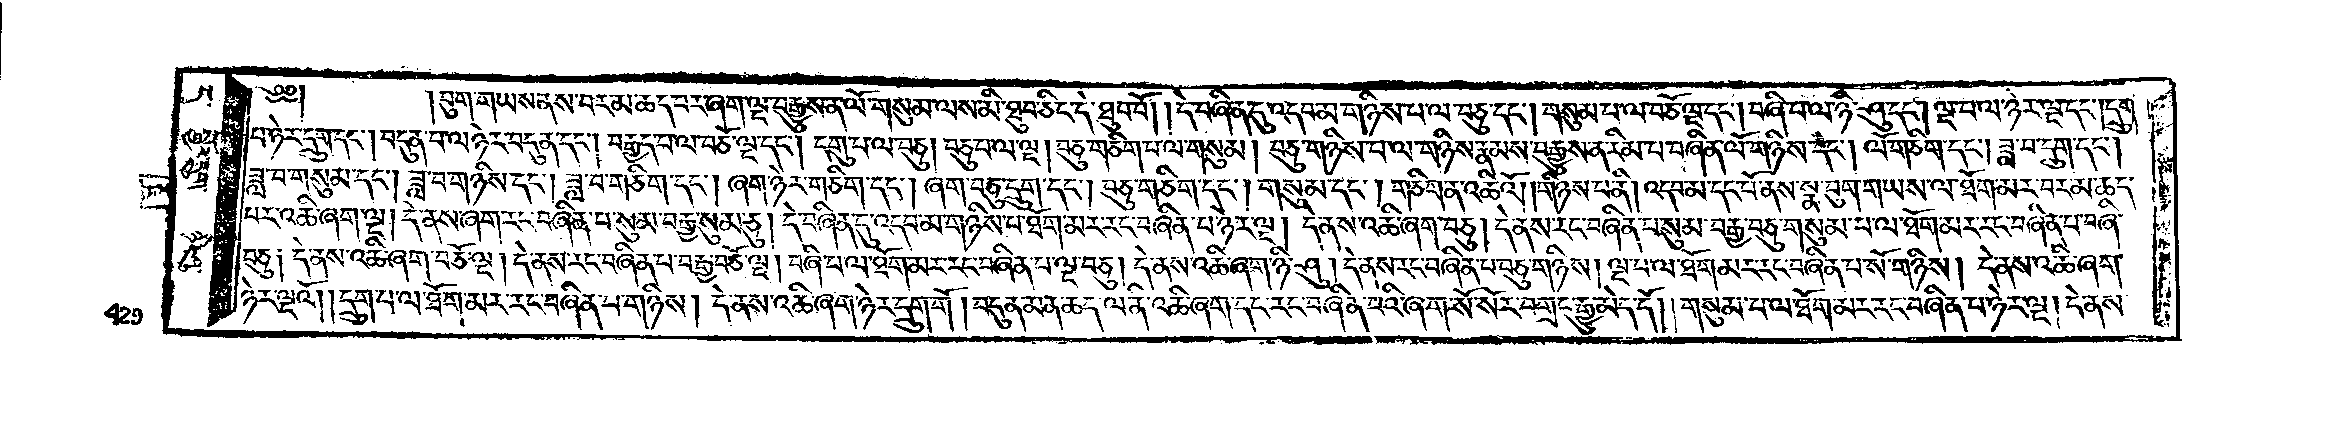༄༅། །བུག་གཡས་ནས་བར་མ་ཆད་པར་ཞག་ལྔ་བརྒྱུས་ན་ལོ་གསུམ་ལས་མི་ཐུབ་ཅིང་དེ་ཐུབ་བོ། །དེ་བཞིན་དུ་འདབ་མ་གཉིས་པ་ལ་བཅུ་དང་། གསུམ་པ་ལ་བཅོ་ལྔ་དང་། བཞི་པ་ལ་ཉི་ཤུ་དང་། ལྔ་པ་ལ་ཉེར་ལྔ་དང་། དྲུག་
པ་ཉེར་དྲུག་དང་། བདུན་པ་ལ་ཉེར་བདུན་དང་། བརྒྱད་པ་ལ་བཅོ་ལྔ་དང་། དགུ་པ་ལ་བཅུ། བཅུ་པ་ལ་ལྔ། བཅུ་གཅིག་པ་ལ་གསུམ། བཅུ་གཉིས་པ་ལ་གཉིས་རྣམས་བརྒྱུས་ན་རིམ་པ་བཞིན་ལོ་གཉིས་དང་། ལོ་གཅིག་དང་། ཟླ་བ་དྲུག་དང་།
ཟླ་བ་གསུམ་དང་། ཟླ་བ་གཉིས་དང་། ཟླ་བ་གཅིག་དང་། ཞག་ཉེར་གཅིག་དང་། ཞག་བཅུ་དྲུག་དང་། བཅུ་གཅིག་དང་། གསུམ་དང་། གཅིག་ན་འཆིའོ། །གཉིས་པ་ནི། འདབ་མ་དང་པོ་ནས་སྣ་བུག་གཡས་ལ་ཐོག་མར་བར་མ་ཆད་
པར་འཆི་ཞག་ལྔ། དེ་ནས་ཞག་རང་བཞིན་པ་སུམ་བརྒྱ་སུམ་ཅུ། དེ་བཞིན་དུ་འདབ་མ་གཉིས་པ་ཐོག་མར་རང་བཞིན་པ་ཉེར་ལྔ། དེ་ནས་འཆི་ཞག་བཅུ། དེ་ནས་རང་བཞིན་པ་སུམ་བརྒྱ་བཅུ་གསུམ་པ་ལ་ཐོག་མར་རང་བཞིན་པ་བཞི་
བཅུ། དེ་ནས་འཆི་ཞག་བཅོ་ལྔ། དེ་ནས་རང་བཞིན་པ་བརྒྱ་བཅོ་ལྔ། བཞི་པ་ལ་ཐོག་མར་རང་བཞིན་པ་ལྔ་བཅུ། དེ་ནས་འཆི་ཞག་ཉི་ཤུ། དེ་ནས་རང་བཞིན་པ་བཅུ་གཉིས། ལྔ་པ་ལ་ཐོག་མར་རང་བཞིན་པ་སོ་གཉིས། དེ་ནས་འཆི་ཞག་
ཉེར་ལྔའོ། །དྲུག་པ་ལ་ཐོག་མར་རང་བཞིན་པ་གཉིས། དེ་ནས་འཆི་ཞག་ཉེར་དྲུག་གོ །བདུན་མན་ཆད་ལ་ནི་འཆི་ཞག་དང་རང་བཞིན་པའི་ཞག་སོ་སོར་བགྲང་རྒྱུ་མེད་དོ། །གསུམ་པ་ལ་ཐོག་མར་རང་བཞིན་པ་ཉེར་ལྔ། དེ་ནས་